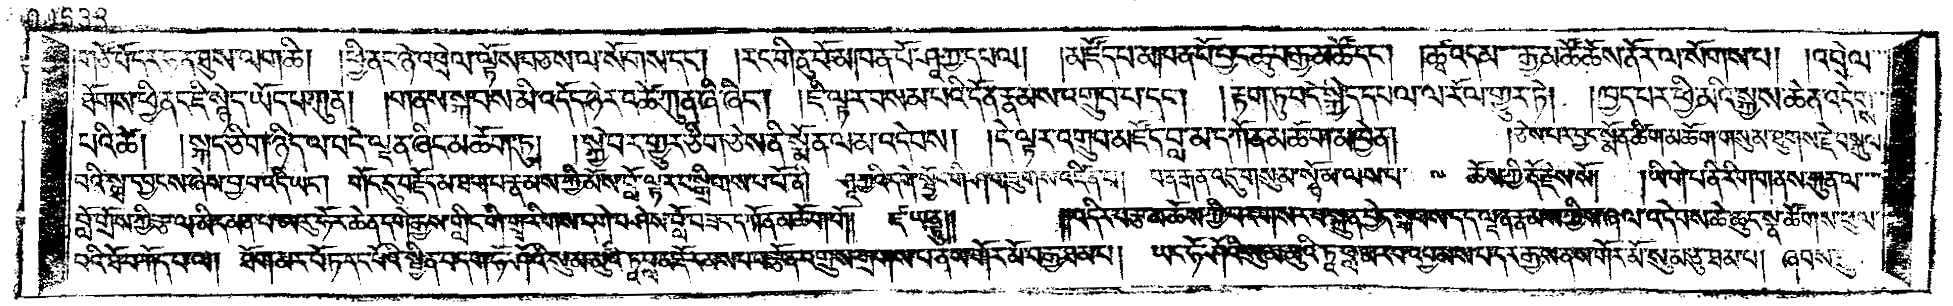གཙོ་བོ་དར་ཧན་ཐུས་ལག་ཆི། །ཕྱི་ནང་ཉེ་འབྲེལ་ལྟོས་བཅས་ལ་སོགས་དང་། །རང་གི་ནུ་བོ་མཁན་པོ་ཤཱཀྱ་དཔལ། །མཛོད་པ་མཁན་པོ་བྱང་ཆུབ་རྒྱ་མཚོ་དང་། །ཚྭ་འདམ་རྒྱ་མཚོ་ཆོས་ནོར་ལ་སོགས་པ། །འབྲེལ་
ཐོགས་ཕྱི་ནང་ཇི་སྙེད་ཡོད་པ་ཀུན། །གནས་སྐབས་མི་འདོད་ཉེར་འཚེ་ཀུན་ཞི་ཞིང་། །ཇི་ལྟར་བསམ་པའི་དོན་རྣམས་འགྲུབ་པ་དང་། །རྟག་ཏུ་བདེ་སྐྱིད་དཔལ་ལ་རོལ་གྱུར་ཏེ། །ཁྱད་པར་ཕྱི་མའི་སྐྱས་ཆེན་འདེགས་
པའི་ཚེ། །སྐད་ཅིག་ཉིད་ལ་བདེ་ལྡན་ཞིང་མཆོག་ཏུ། །སྐྱེ་བར་གྱུར་ཅིག་ཅེས་ནི་སྨོན་ལམ་འདེབས། །དེ་ལྟར་འགྲུབ་མཛོད་བླ་མ་དཀོན་མཆོག་མཁྱེན། །ཅེས་པར་བྱང་སྨོན་ཚིག་མཆོག་གསུམ་ཐུགས་རྗེ་བསྐུལ་
བའི་སྒྲ་དབྱངས་ཞེས་བྱ་བ་འདི་ཡང་། གོང་དུ་བརྗོད་མ་ཐག་པ་རྣམས་ཀྱི་མོས་བློ་ལྟར་བསྒྲིགས་པ་པོ་ནི། ཤཱཀྱའི་དགེ་སྦྱོང་གི་ཤ་གཟུགས་འཛིན་པ། བན་རྒན་འདུ་གསུམ་སྙོམ་ལས་པ་༧་ཆོས་ཀྱི་རྡོ་རྗེས་སོ། །ཡི་གེ་པ་ནི་རིག་གནས་ཀུན་ལ་
བློ་གྲོས་ཀྱི་རྩལ་མི་དམན་པ་ཨ་རུ་ཧོར་ཆེན་དགེ་རྒྱས་གླིང་གི་གྲྭ་རིགས་དགེ་བཤེས་བློ་བཟང་དཀོན་མཆོག་གོ །ཛ་ཡནྟུ།། །།འདིར་བརྩམ་ཆོས་ཀྱི་བར་གསར་བསྐྲུན་བྱེད་སྐབས་དད་ལྡན་རྣམས་ཀྱིས་ཞལ་འདེབས་ཆེ་ཆུང་སྣ་ཚོགས་ཕུལ་
བའི་ཐོ་བཀོད་པ་ལ། ཐོག་མར་པོཏ་དང་པོའི་སྦྱིན་བདག་ཧོ་ཤོའི་སུམ་མུའི་ཏཱ་བླ་མ་རྡོ་རམས་པ་བརྩོན་འགྲུས་གྲགས་པ་ནས་གོར་མོ་བརྒྱ་ཐམ་པ། ཡང་ཧོ་ཤོའི་སུམ་མུའི་ཏཱ་བླ་མ་རབ་འབྱམས་པ་དར་རྒྱས་ནས་གོར་མོ་སུམ་ཅུ་ཐམ་པ། ཞབས་དྲུང་